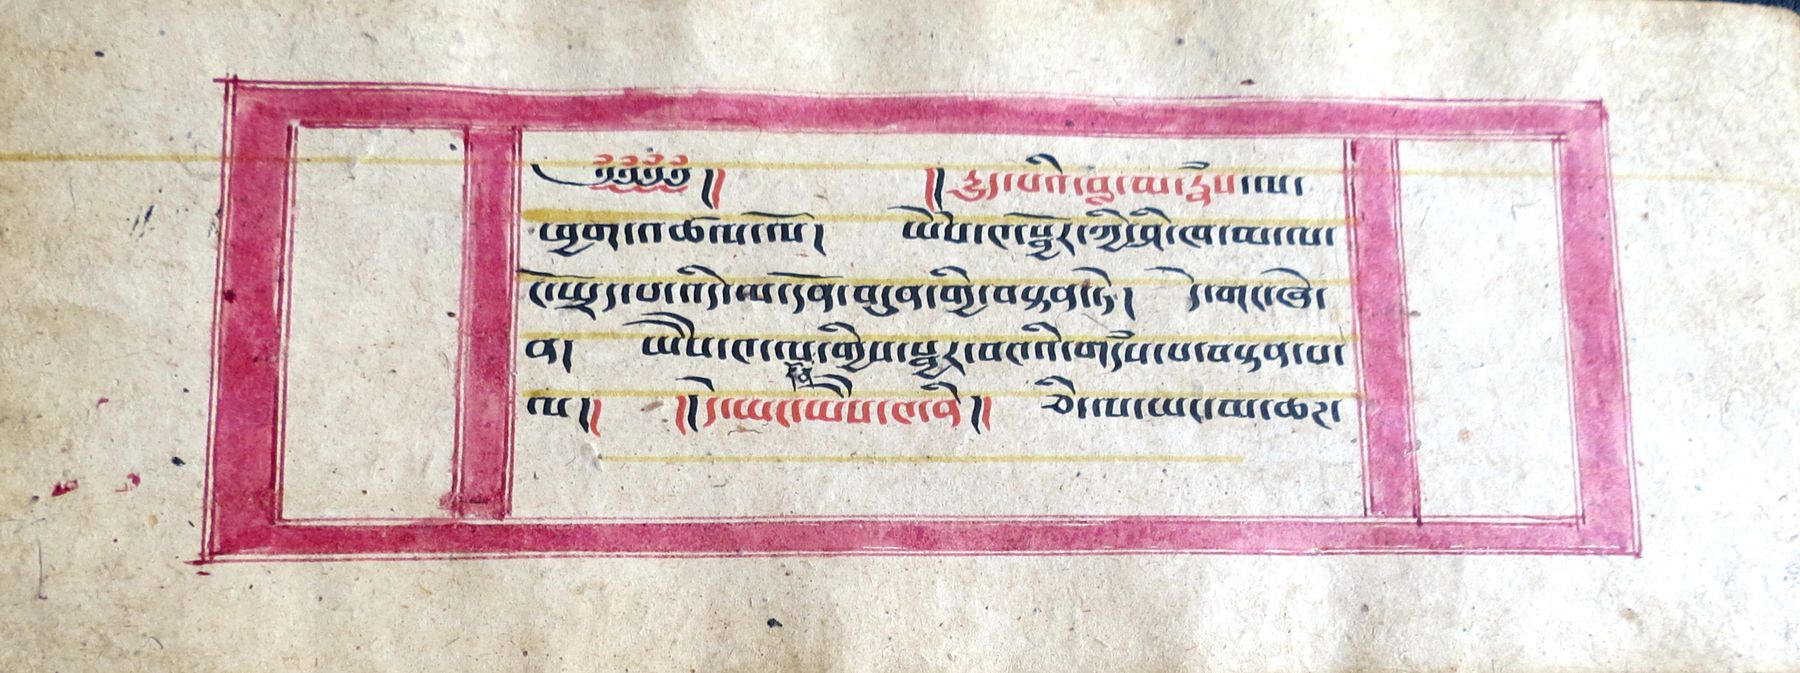༄༅། ། ། ། རྒྱུད་པའི་བླ་མ་རྣམས་ལ་
ཕྱག་འཚལ་ལོ། ། ཡེ་ཤེས་བཞི་སྦྱོར་གྱི་ཤི་ཁ་མ་ལ་
ངོ་སྤྲད་པ་འདི་ལ་དོན་བདུན་གྱིས་བསྟན་ཏེ། དེ་གང་ཞེ་
ན། ཡེ་ཤེས་བཞི་ལ་དོན་གྱིས་སྦྱར་བའི་གདམས་པ་བསྟན་པ་
ལ། དེ་ཡང་ཡེ་ཤེས་བཞི་ནི། ཅི་ལ་ཡང་མ་ཆགས་